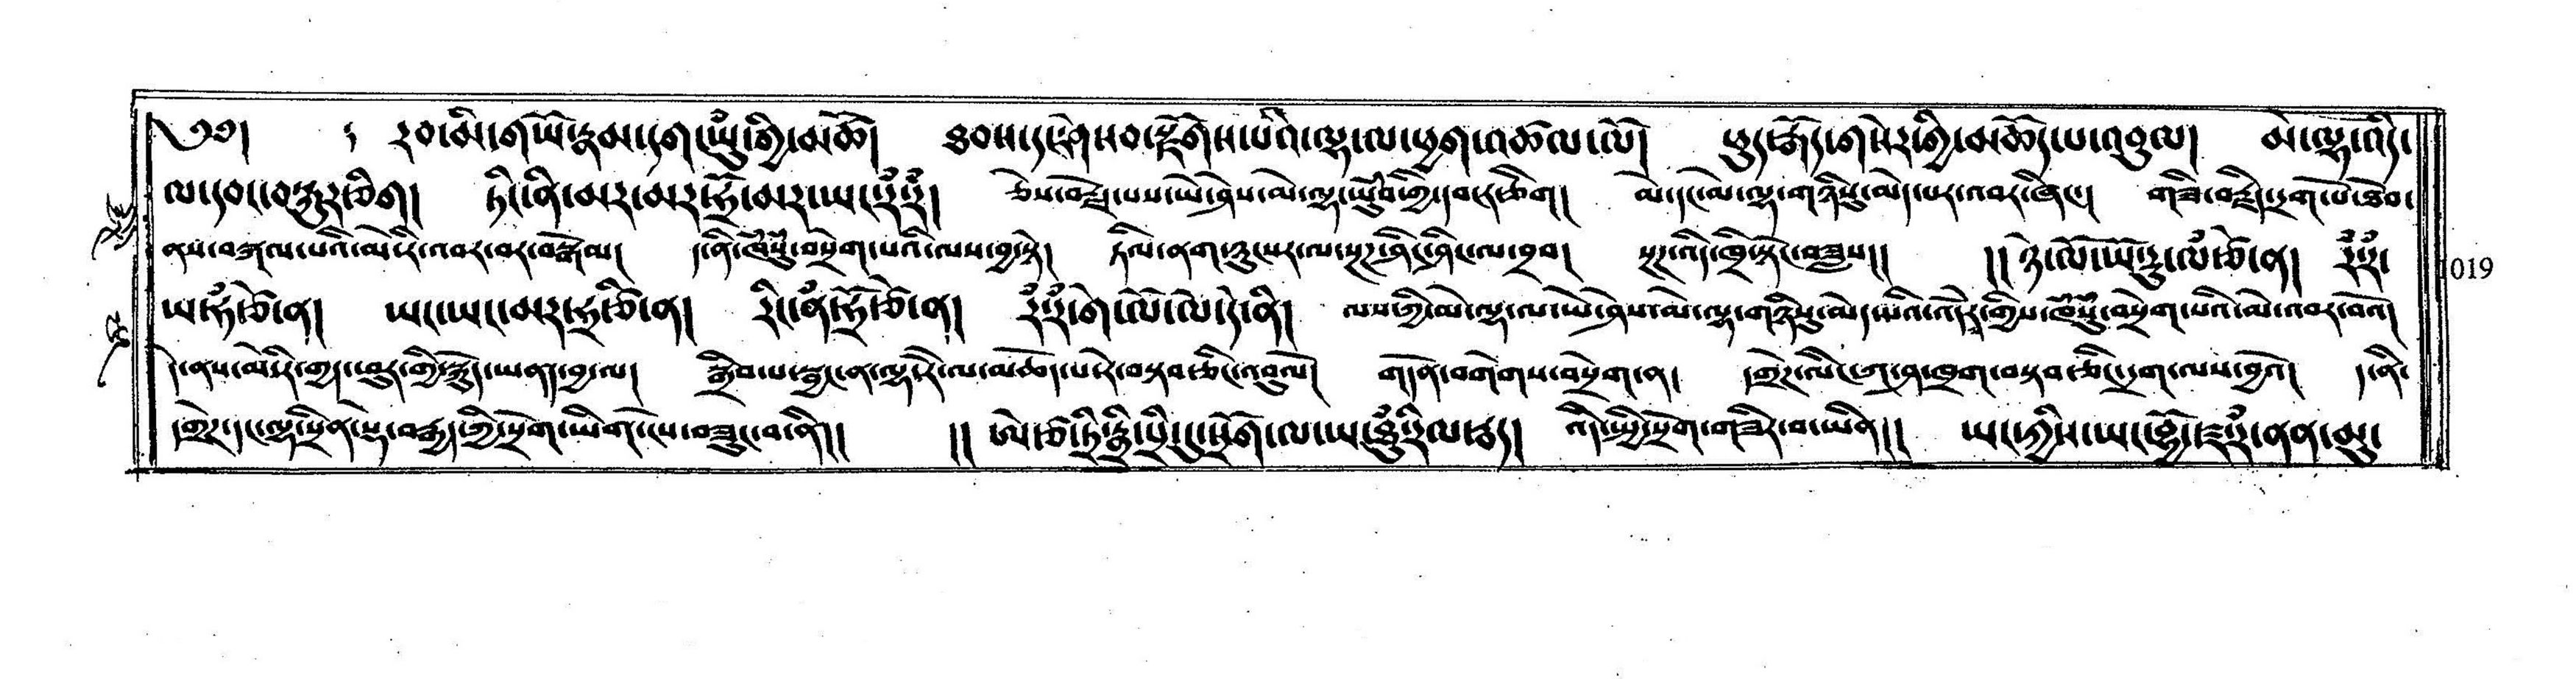རབ་མི་གཡོ་རྣམ་དག་ཡུམ་གྱི་མཚོ། ཐབས་དང་ཤེས་རབ་རྫོགས་པའི་ལྷ་ལ་ཕྱག་འཚལ་ལོ། ཕུད་རྒོད་གསེར་གྱི་མཆོད་པ་འབུལ། མེ་ལྷ་འདི་
ལ་དབང་བསྐུར་ཅིག ཏིང་ནི་མར་མར་ཧྲོ་མར་ཡང་རཾ་རཾ། ཅེས་བརྗོད་པས་ཡེ་ཤེས་མེ་ལྷ་ཡབ་ཡུམ་གྱི་དབང་བསྐུར་ཅིག མེ་དང་མེ་ལྷ་གཉིས་སུ་མེད་པར་འབར་ཞིང་། གཟི་བརྗིད་དྲག་པོ་ཐོབ་
ནས་བསྐལ་པའི་མེ་རི་འབར་བར་བསྒོམ། ད་ནི་ཁམས་གསུམ་བསྲེག་པའི་ལས་བྱ་སྟེ། ཏིལ་ནག་ཉུངས་དཀར་ལ་སྔགས་ཤིང་ལ་བྲབ། སྔགས་འདི་ཁྲི་སྟོང་བཟླས།། །།ཉེ་ལོ་ཡོ་རུ་ལཾ་ཙེ་ན། རཾ་རཾ་
ཡ་ཧཾ་ཙེ་ན། ཡང་ཡང་མར་ཧྲ་ཙི་ན། རིང་ནཾ་ཧྲོ་ཙེ་ན། རཾ་རཾ་གེ་ལོ་ལེ་དེ་ནི། ལས་ཀྱི་མེ་ལྷ་ལ་ཡེ་ཤེས་མེ་ལྷ་གཉིས་སུ་མེད་པའི་འོད་ཟེར་གྱིས་ཁམས་གསུམ་བསྲེག་པའི་མེ་འབར་བའོ། 
དེ་ནས་མེ་རི་གྱད་ཕུར་གྱི་སྐུ་བསྟོད་ཡན་ཆད་བྱ་ལ། སྒྲིབ་པ་སྦྱང་ན་ལྷ་རེ་རེ་ལ་མཆོད་པ་རེ་བསྟབ་ཅིང་འབུལ་ལོ། གདོན་བགེགས་བསྟེག་ན། དགྲ་བགེགས་ལིང་ཀ་ཤ་ཁྲག་བསྟབ་ཅིང་དྲག་ལས་བྱའོ། ད་ནི་
དགྲ་བགེགས་དང་ལྷ་སྲིན་སྡེ་བརྒྱད་ཀྱི་སྲེག་ཡིག་ངོས་བཟུང་བ་ནི།། །།ཨེ་ཙ་ཏྲི་རྣྲི་པྲི་དུ་སྲོག་ལ་ཡ་ཐུཾ་རིལ་རྦད། འདི་སྤྱི་སྲོག་གཟིར་བ་ཡིན།། ཡང་ཀྱིས་ཡང་བྷྱོ་ཛ་རཾ་ནན་མུ་